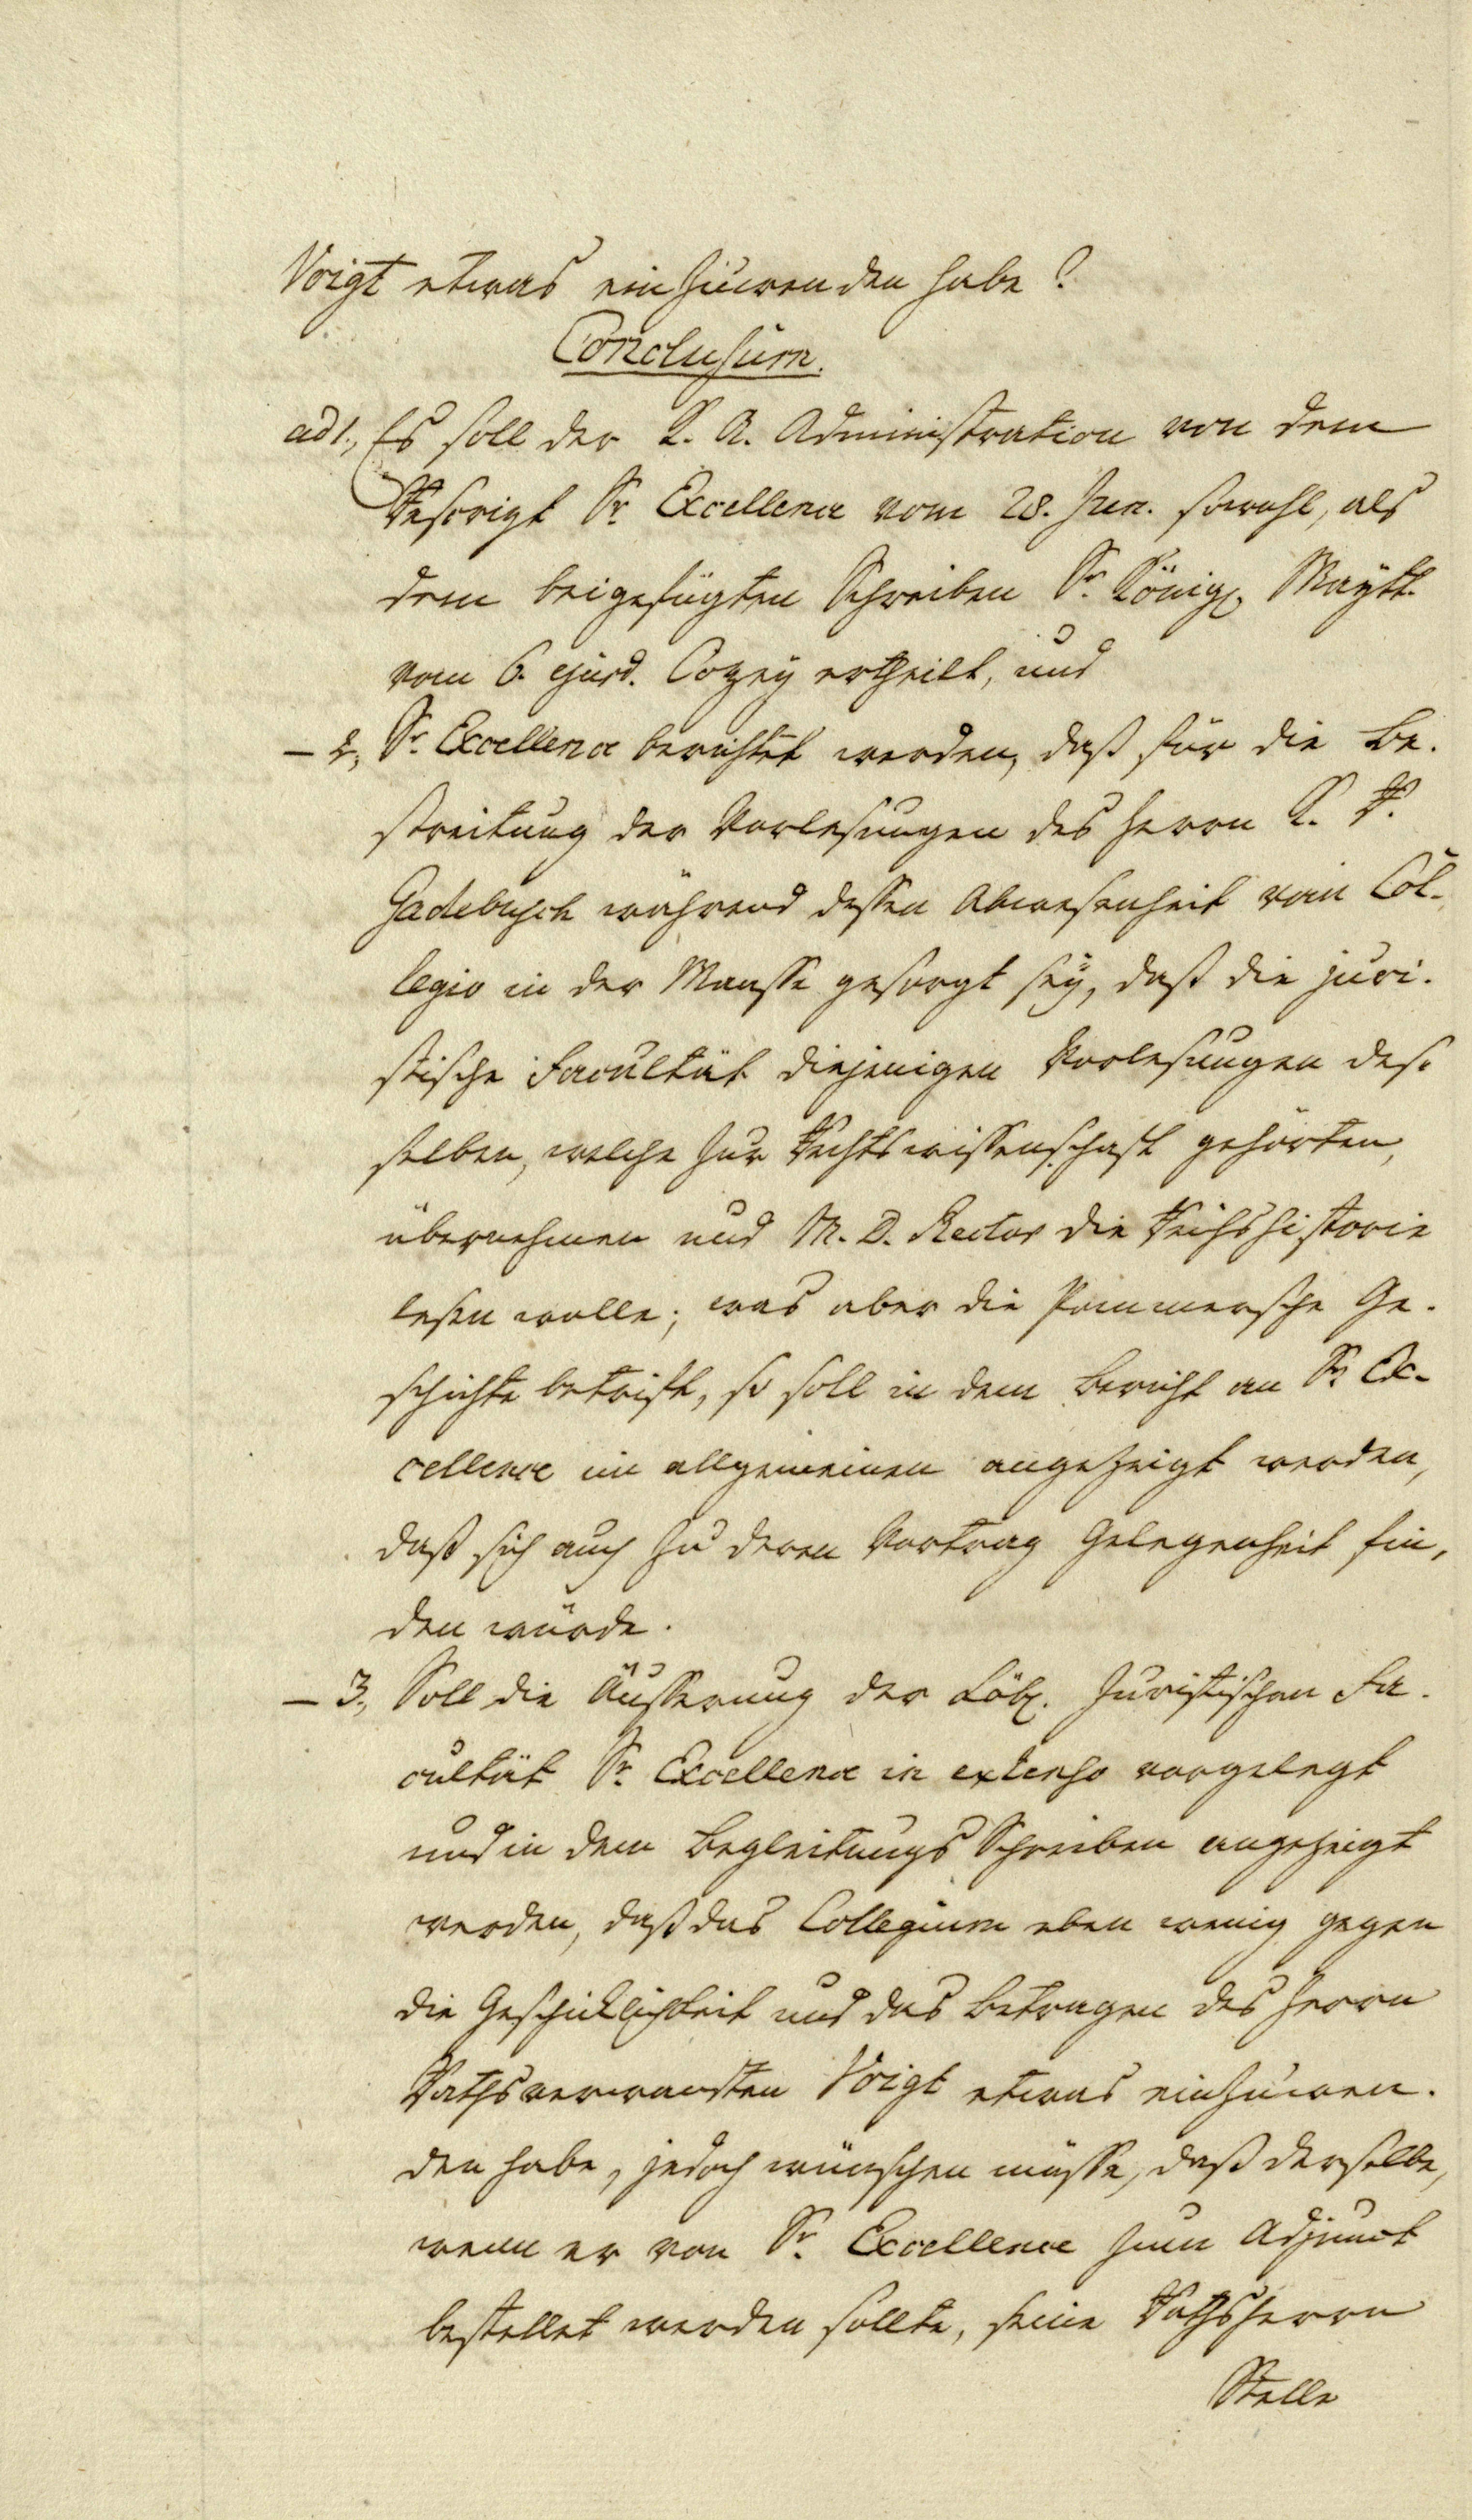Voigt etwas einzuwenden habe!
Conclusum
ad 1., Es soll der K. A. Administration von dem
Rescript Sr. Excellence vom 28. Jun. sowohl, als
dem beigefügten Schreiben Sr. Königl. Maÿtt.
vom 6. ejusd. Copeÿ ertheilt, und
2, Sr. Excellence berichtet werden, daß für die Be¬
streitung der Vorlesungen des herrn K. R.
Gadebusch während dessen Abwesenheit vom Col¬
legio in der Maasse gesorgt seÿ, daß die juri¬
stische Facultät diejenigen Vorlesungen des¬
selben, welche zur Rechtswissenschaft gehörten,
übernehmen und M. D. Rector die Reichshistorie
lesen wolle; was aber die Pommersche Ge¬
schichte betrifft, so soll in dem Bericht an Sr. Ex¬
cellence im allgemeinen angezeigt werden,
daß sich auch zu deren Vortrag Gelegenheit fin¬
den würde.
3., Soll die Äusserung der Löbl. Juristischen Fa¬
cultät Sr. Excellence in extenso vorgelegt
und in dem Begleitungs Schreiben angezeigt
werden, daß das Collegium eben wenig gegen
die Geschicklichkeit und das Betragen des herrn
Rathsverwandten Voigt etwas einzuwen¬
den habe, jedoch wünschen müsse, daß derselbe,
wenn er von Sr. Excellence zum Adjunct
bestellet werden sollte, seine Rathsherrn
Stelle